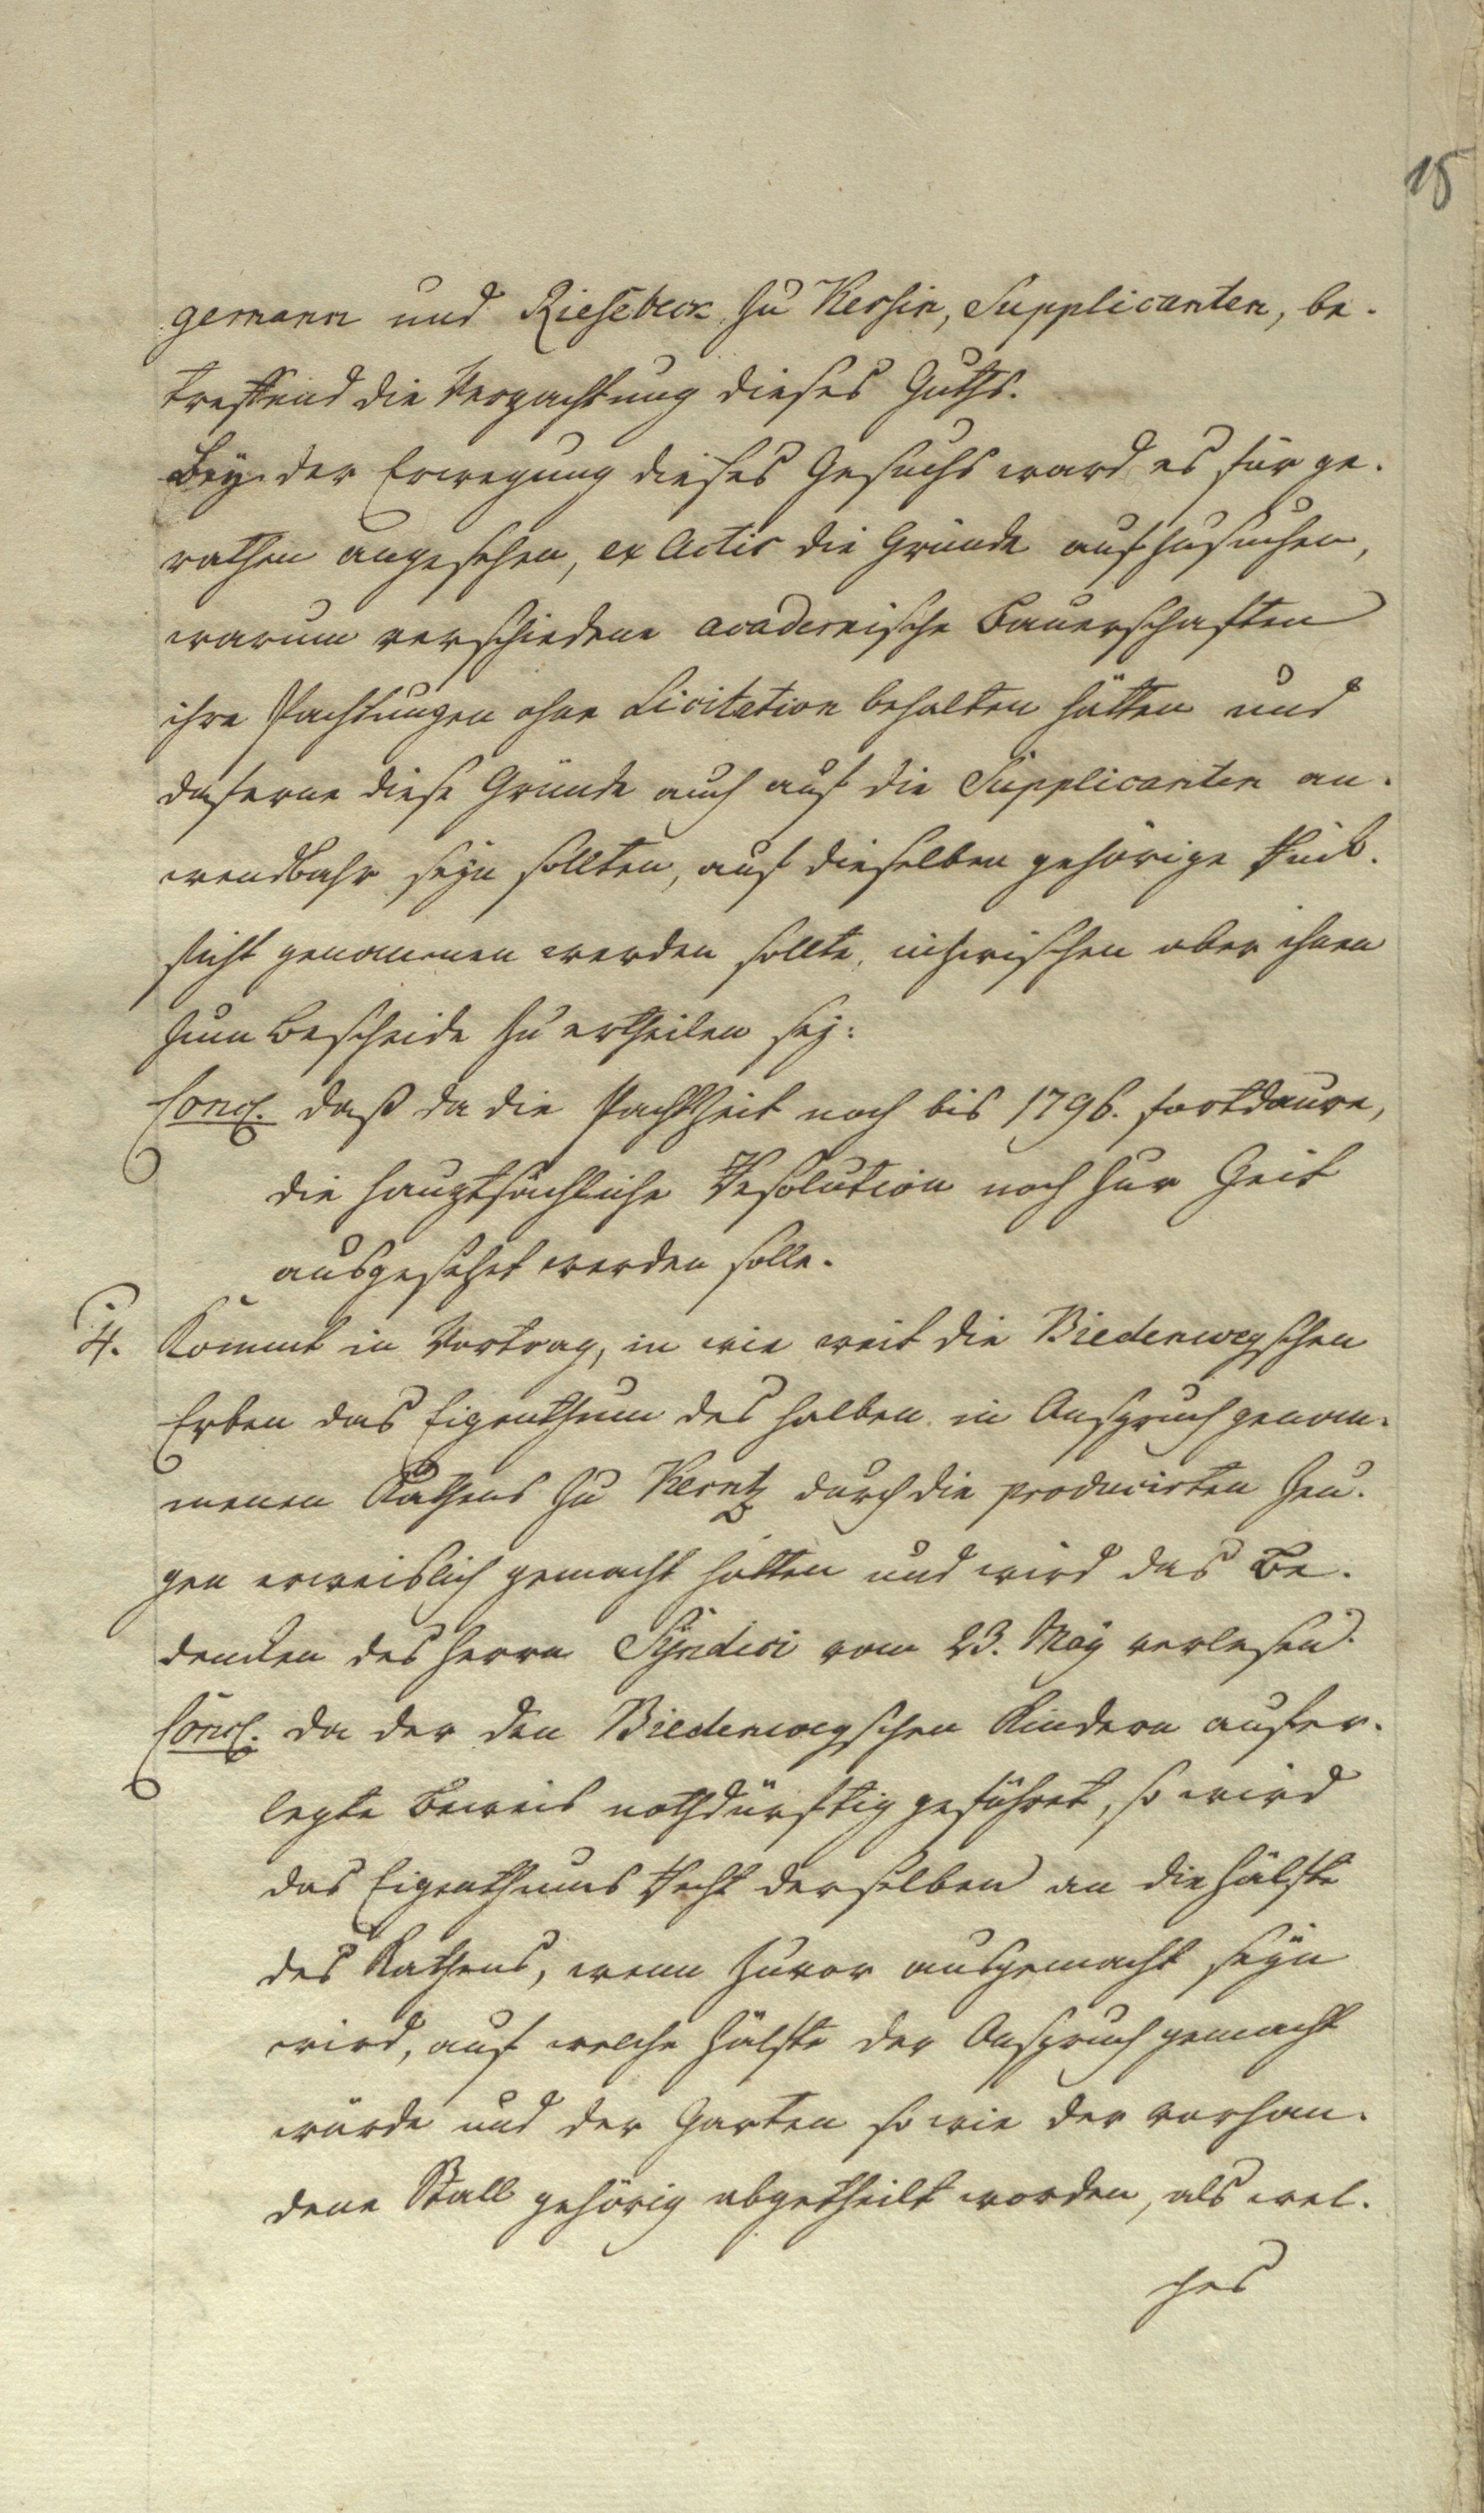gemann und Riesebeck zu Kessin, Supplicanten, be¬
treffend die Verpachtung dieses Guths.
Bey der Erwegung dieses Gesuchs ward es für ge¬
rathen angesehen, ex Actis die Gründe aufzusuchen,
warum verschiedene academische Bauerschaften
ihre Pachtungen ohne Licitation behalten hätten und
daferne diese Gründe auch auf die Supplicanten an¬
wendbahr seyn sollten, auf dieselben gehörige Rück¬
sicht genommen werden sollte, inzwischen aber ihnen
zum Bescheide zu ertheilen sey:
Concl. daß da die Pachtzeit noch bis 1796 fortdaure,
die hauptsächliche Resolution noch zur Zeit
ausgesetzet werden solle.
4. Kommt in Vortrag, in wie weit die Biedenwegschen
Erben das Eigenthum des halben in Anspruch genom¬
menen Kathens zu Kemtz durch die producirten Zeu¬
gen erweislich gemacht hätten und wird das Be¬
denken des Herrn Syndici vom 23. May verlesen.
Concl. Da der den Biedenwegschen Kindern aufer¬
legte Beweis nothdürftig geführet, so wird
das Eigenthums Recht derselben an die Hälfte
des Kathens, wenn zuvor ausgemacht seyn
wird, auf welche Hälfte der Anspruch gemacht
würde und der Garten so wie der vorhan¬
dene Stall gehörig abgetheilt worden, als wel¬
ches